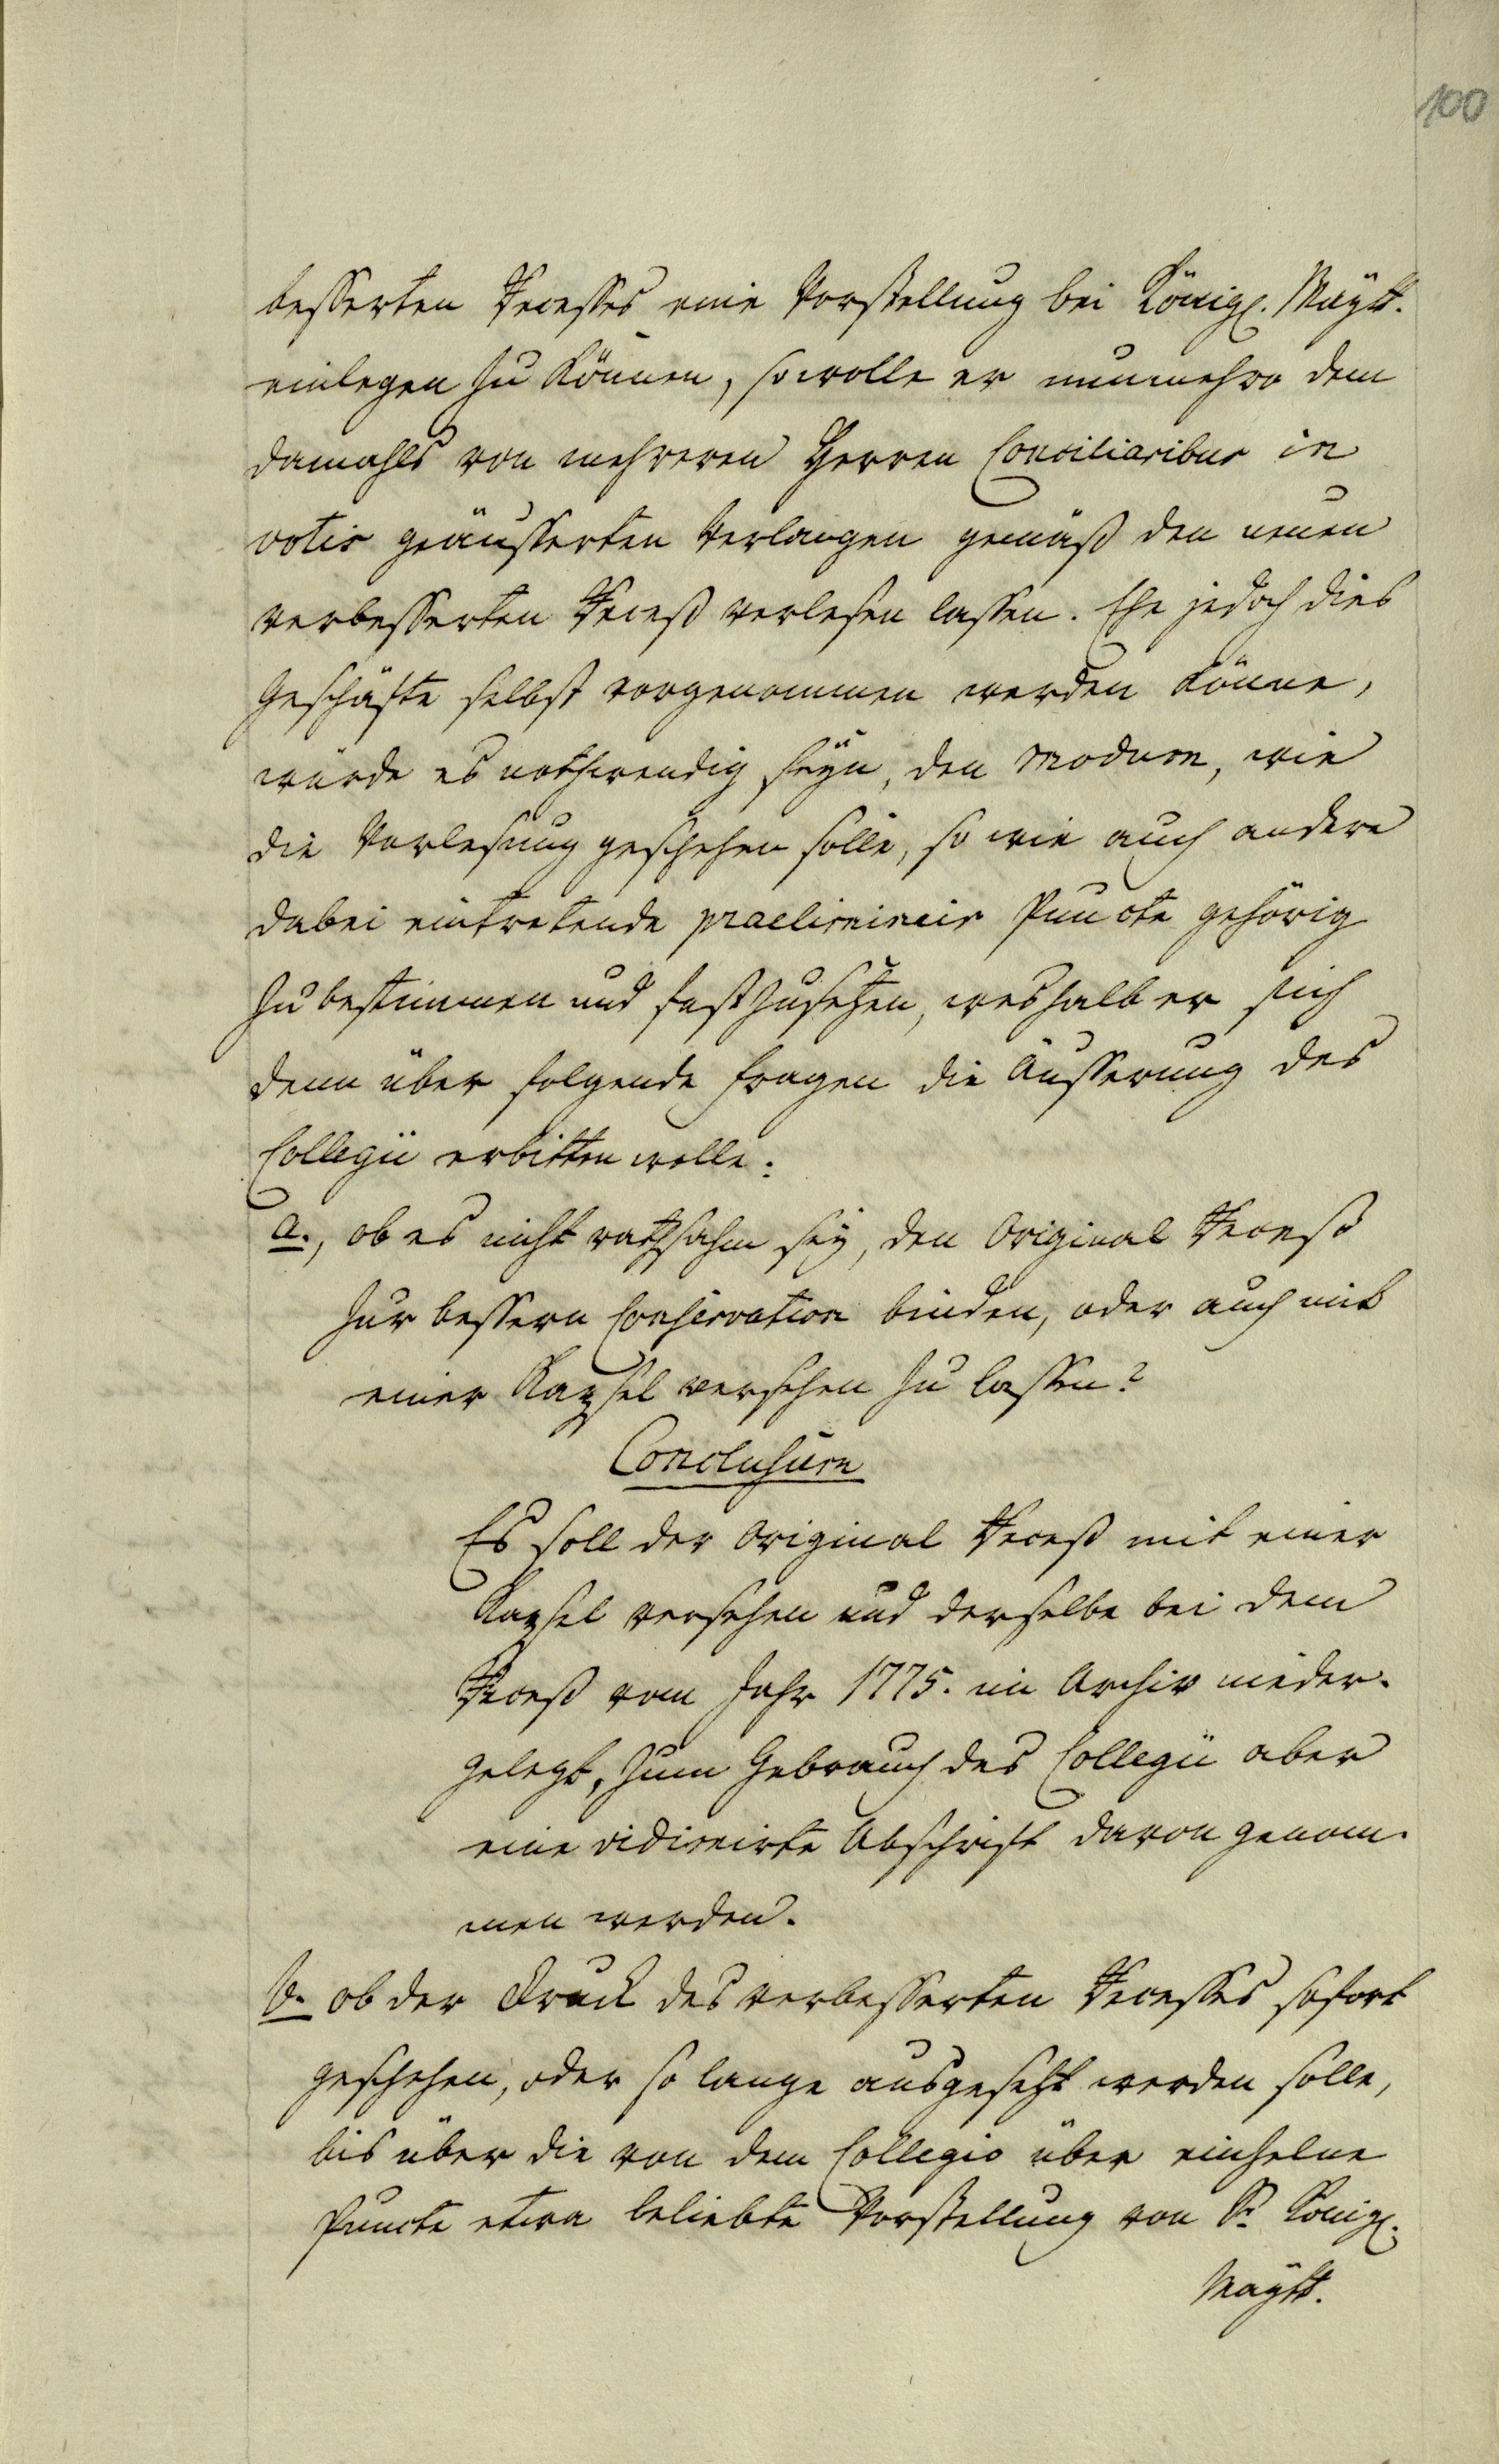besserten Recesses eine Vorstellung bei Königl. Maÿtt.
einlegen zu können, so wolle er nunmehro dem
damahls von mehreren Herren Conciliaribus in
votis geäusserten Verlangen gemäß den neuen
verbesserten Receß verlesen lassen. Ehe jedoch dies
Geschäfte selbst vorgenommen werden könne,
würde es nothwendig seÿn, den modum, wie
die Vorlesung geschehen solle, so wie auch andere
dabei eintretende praelimineir Puncte gehörig
zu bestimmen und festzusetzen, weshalb er sich
denn über folgende Fragen die Äusserung des
Collegii erbitten wolle:
a., ob es nicht rathsahm seÿ, den Original Receß
zur bessern Conservation binden, oder auch mit
einer Kapsel versehen zu lassen?
Conclusum
Es soll der Original Receß mit einer
Kapsel versehen und derselbe bei dem
Receß vom Jahr 1775. in Archiv nieder¬
gelegt, zum Gebrauch des Collegii aber
eine vidimirte Abschrift davon genom¬
men werden.
b. ob der Druck des verbesserten Recesses sofort
geschehen, oder so lange ausgesetzt werden solle,
bis über die von dem Collegio über einzelne
Puncte etwa beliebte Vorstellung von Sr Königl.
Maÿtt.